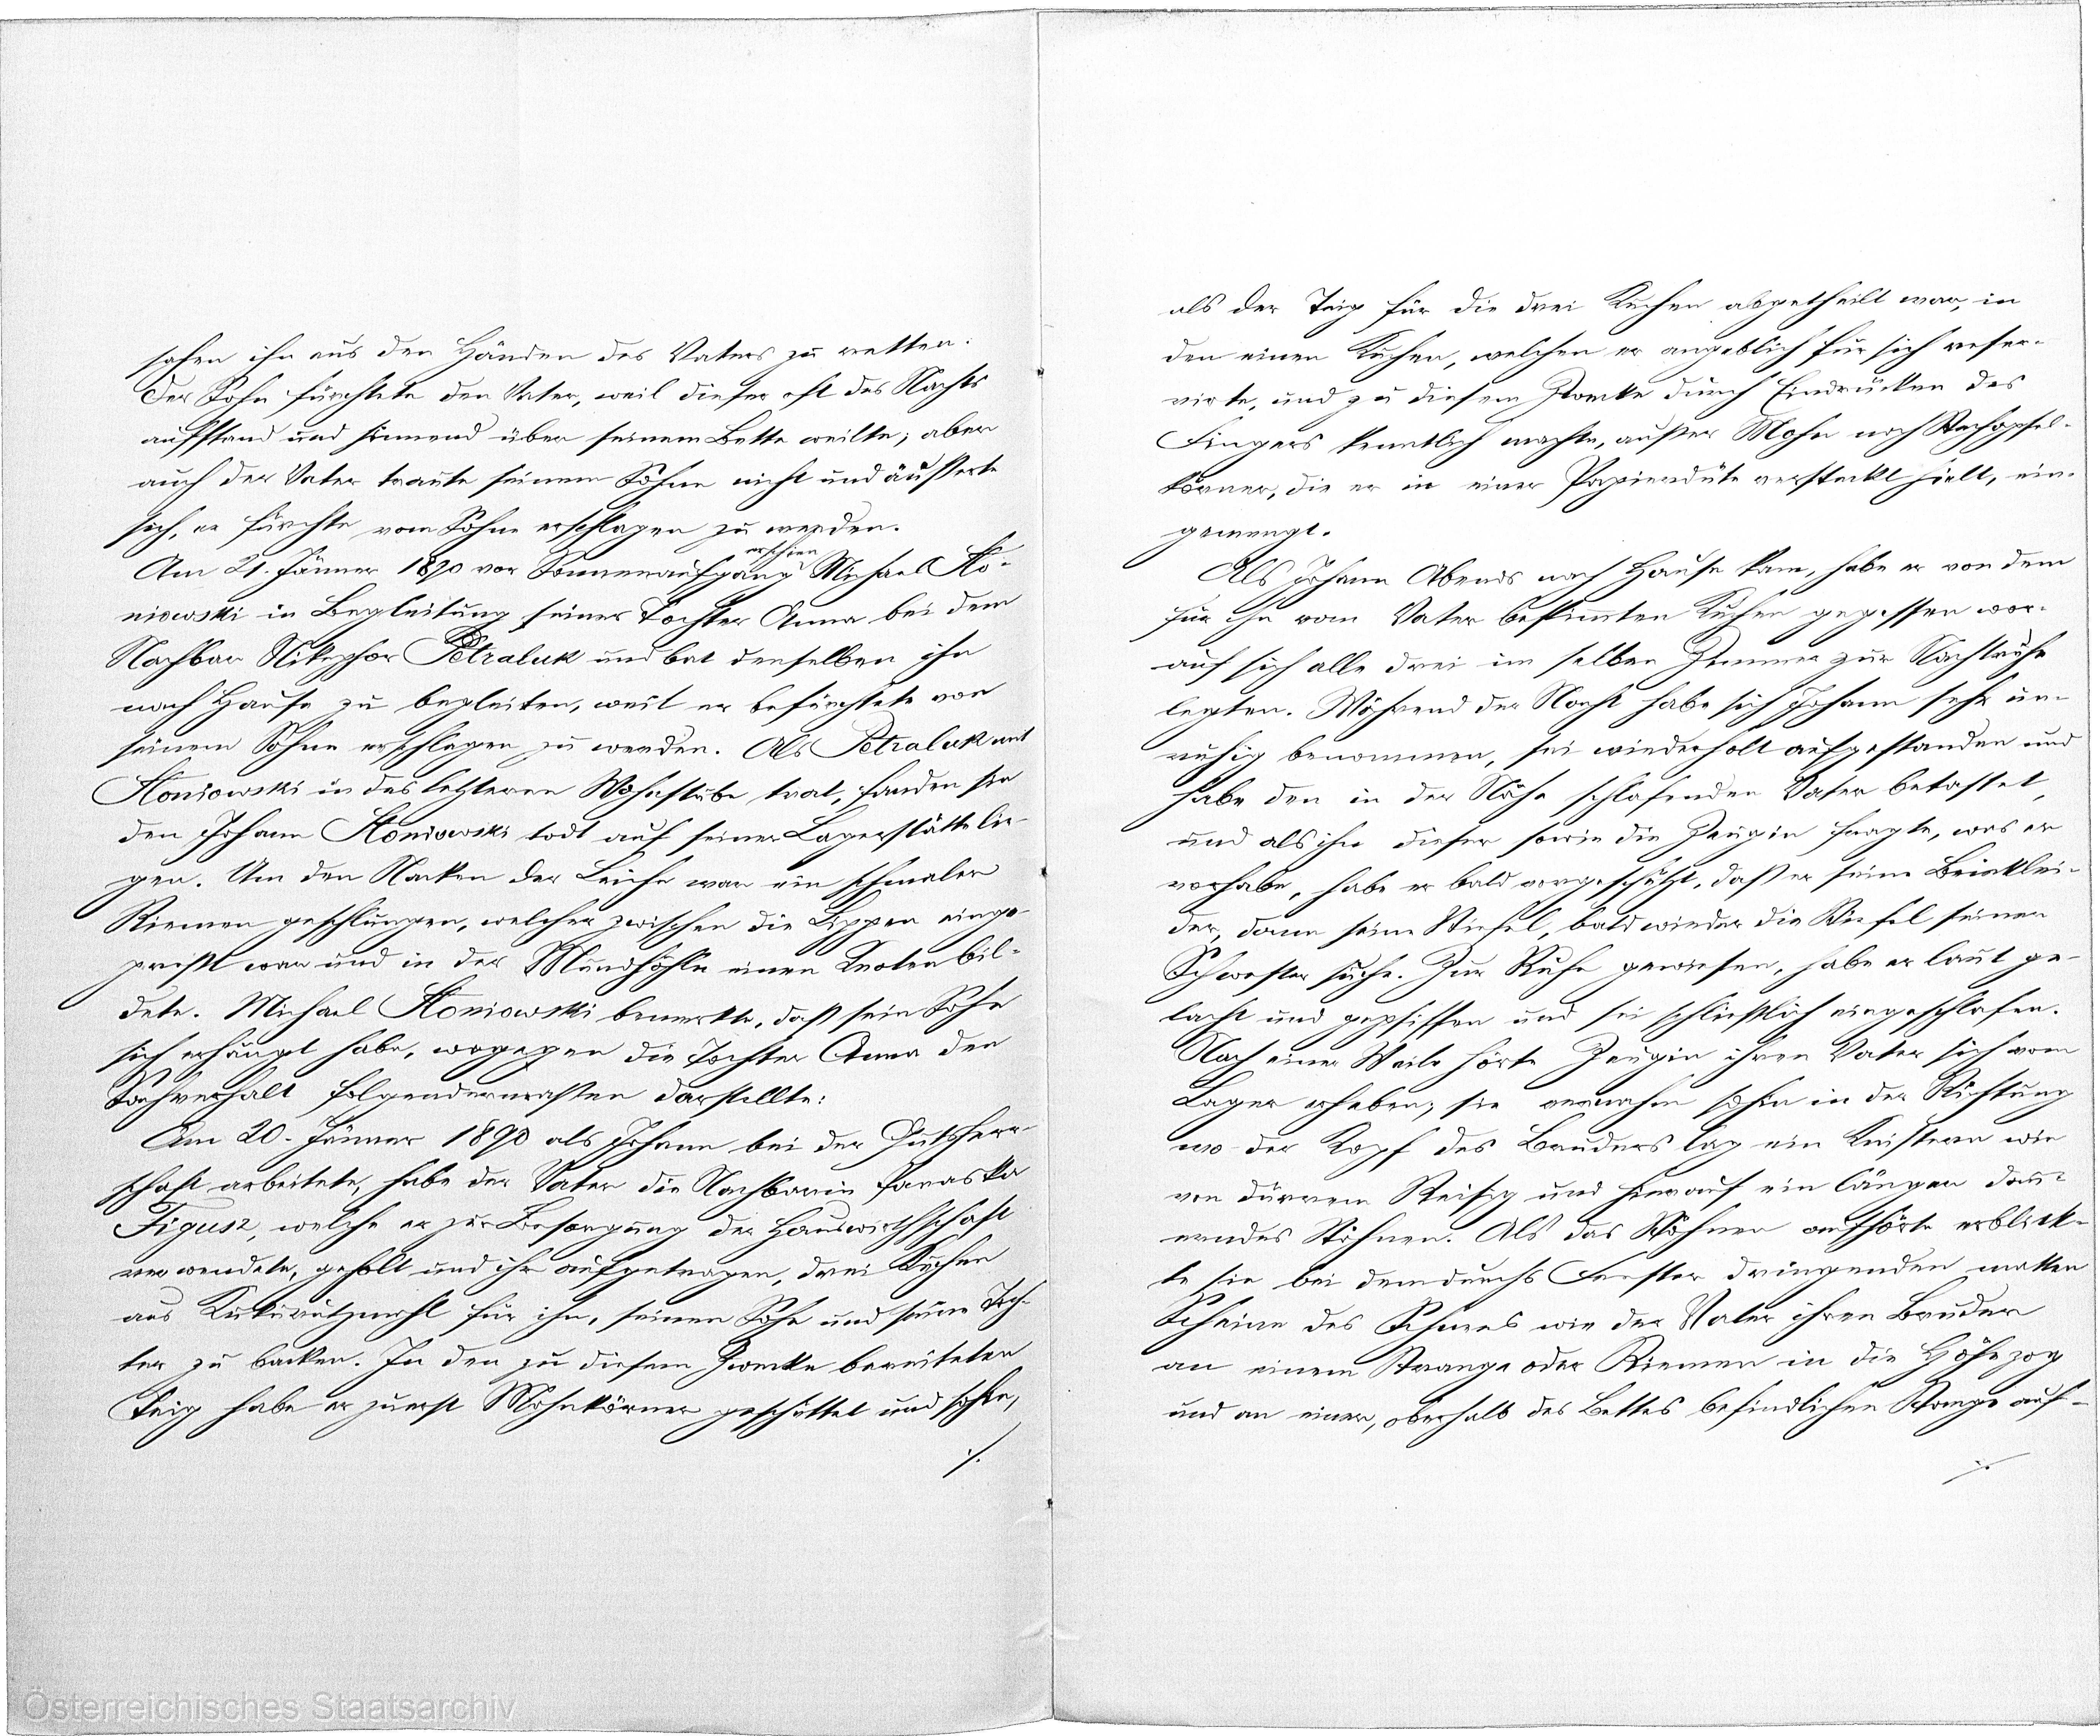sahen ihn aus den Händen des Vaters zu retten.
Der Sohn fürchtete den Vater, weil dieser oft des Nachts
aufstand und xx über seinem Bette weilte; aber
auch der Vater traute seinem Sohne nicht und äußerte
sich, er Furchte vom Sohne erschlagen zu werden.
Am 21. Jänner 1890 vor Sonnenaufgang erschien Michael Ho¬
niowski in Begleitung seines Tochter Anna bei dem
Nachbar Nikephor Petraluk und bat denselben ihn
nach Hause zu begleiten, weil er befürchtete von
seinem Sohne erschlagen zu werden. Als Petraluk mit
Stoniowski in des letzteren Wohnstube trat, fanden sie
den Johann Stoniowski todt auf seiner Lagerstätte lie¬
gen. Um den Nacken der Leiche war ein schmalen
Riemen geschlungen, welcher zwischen die Lippen einge¬
preßt war und in der Munchhöhle einen Knoten bil¬
dete. Michael Stoniowski bemerkte, daß sein Sohn
sich erhaupt habe, wogegen die Tochter Anna den
Sachverhalt Folgender maßen darstellte:
Am 20. Jänner 1890 als Johann bei der Gutsherr¬
schaft arbeitete, habe der Vater die Nachbarin Panaska
Figusz, welche er zur Besorgung der Hauswirthschaft
verwendete, geholt und ihr aufgetragen, drei Kuchen
aus xxmehl für ihn, seinen Sohn und seine Toch¬
ter zu backen. Jn den zu diesem Zwecke bereiteten
Teig habe er zuerst Mohnkörner geschüttet und sohin,
als der Teig für die drei Kuchen abgetheilt war, in
den einen Kuchen, welchen er angeblich für sich reser¬
virte, und zu diesem Zwecke durch Eindrücken des
Fingers kenntlich machte, außer Mohn noch xx¬
körner, die er in einer Papierxx versteckt hielt, ein¬
gemengt.
Als Johann Abends nach Hause kam, habe er von dem
für ihn vom Vater bestimmten Kuchen gegessen wor¬
auf sich alle drei im selber Zimmer zur Nachtruhe
legten. Mährend der Nacht habe sich Johann sehr un¬
ruhig benommen, sei wiederholt aufgestanden und
habe den in der Nähe schlafenden Vater betastet,
und als ihn dieser sowie die Zeugin fragte, was er
vorhabe, habe er bald vorgeschützt, daß er seine Beinklei¬
der, dann seine Stiefel, bald wieder die Stiefel seinen
Schwester suche. Zur Ruhe gewiesen, habe er laut ge¬
lacht und gexx und sein schließlich eingeschlafen.
Nach einer Weile hörte Zeugin ihren Vater sich vom
Lager erheben; sie vernahm sohin in der Richtung
wo der Kopf des Bruders lag ein Knistern wie
von dürrem Reisig und hinrauf ein längen dau¬
erndes Stöhnen. Als das Stöhnen aufhörte erblick¬
te sie bei dem durchs Fenster dringenden matten
Scheine des Schxx wie der Vater ihren Bruder
an einem Strange oder Riemen in die Höhe zog
und an einer, oberhalb des Bettes befindlichen Stange auf¬